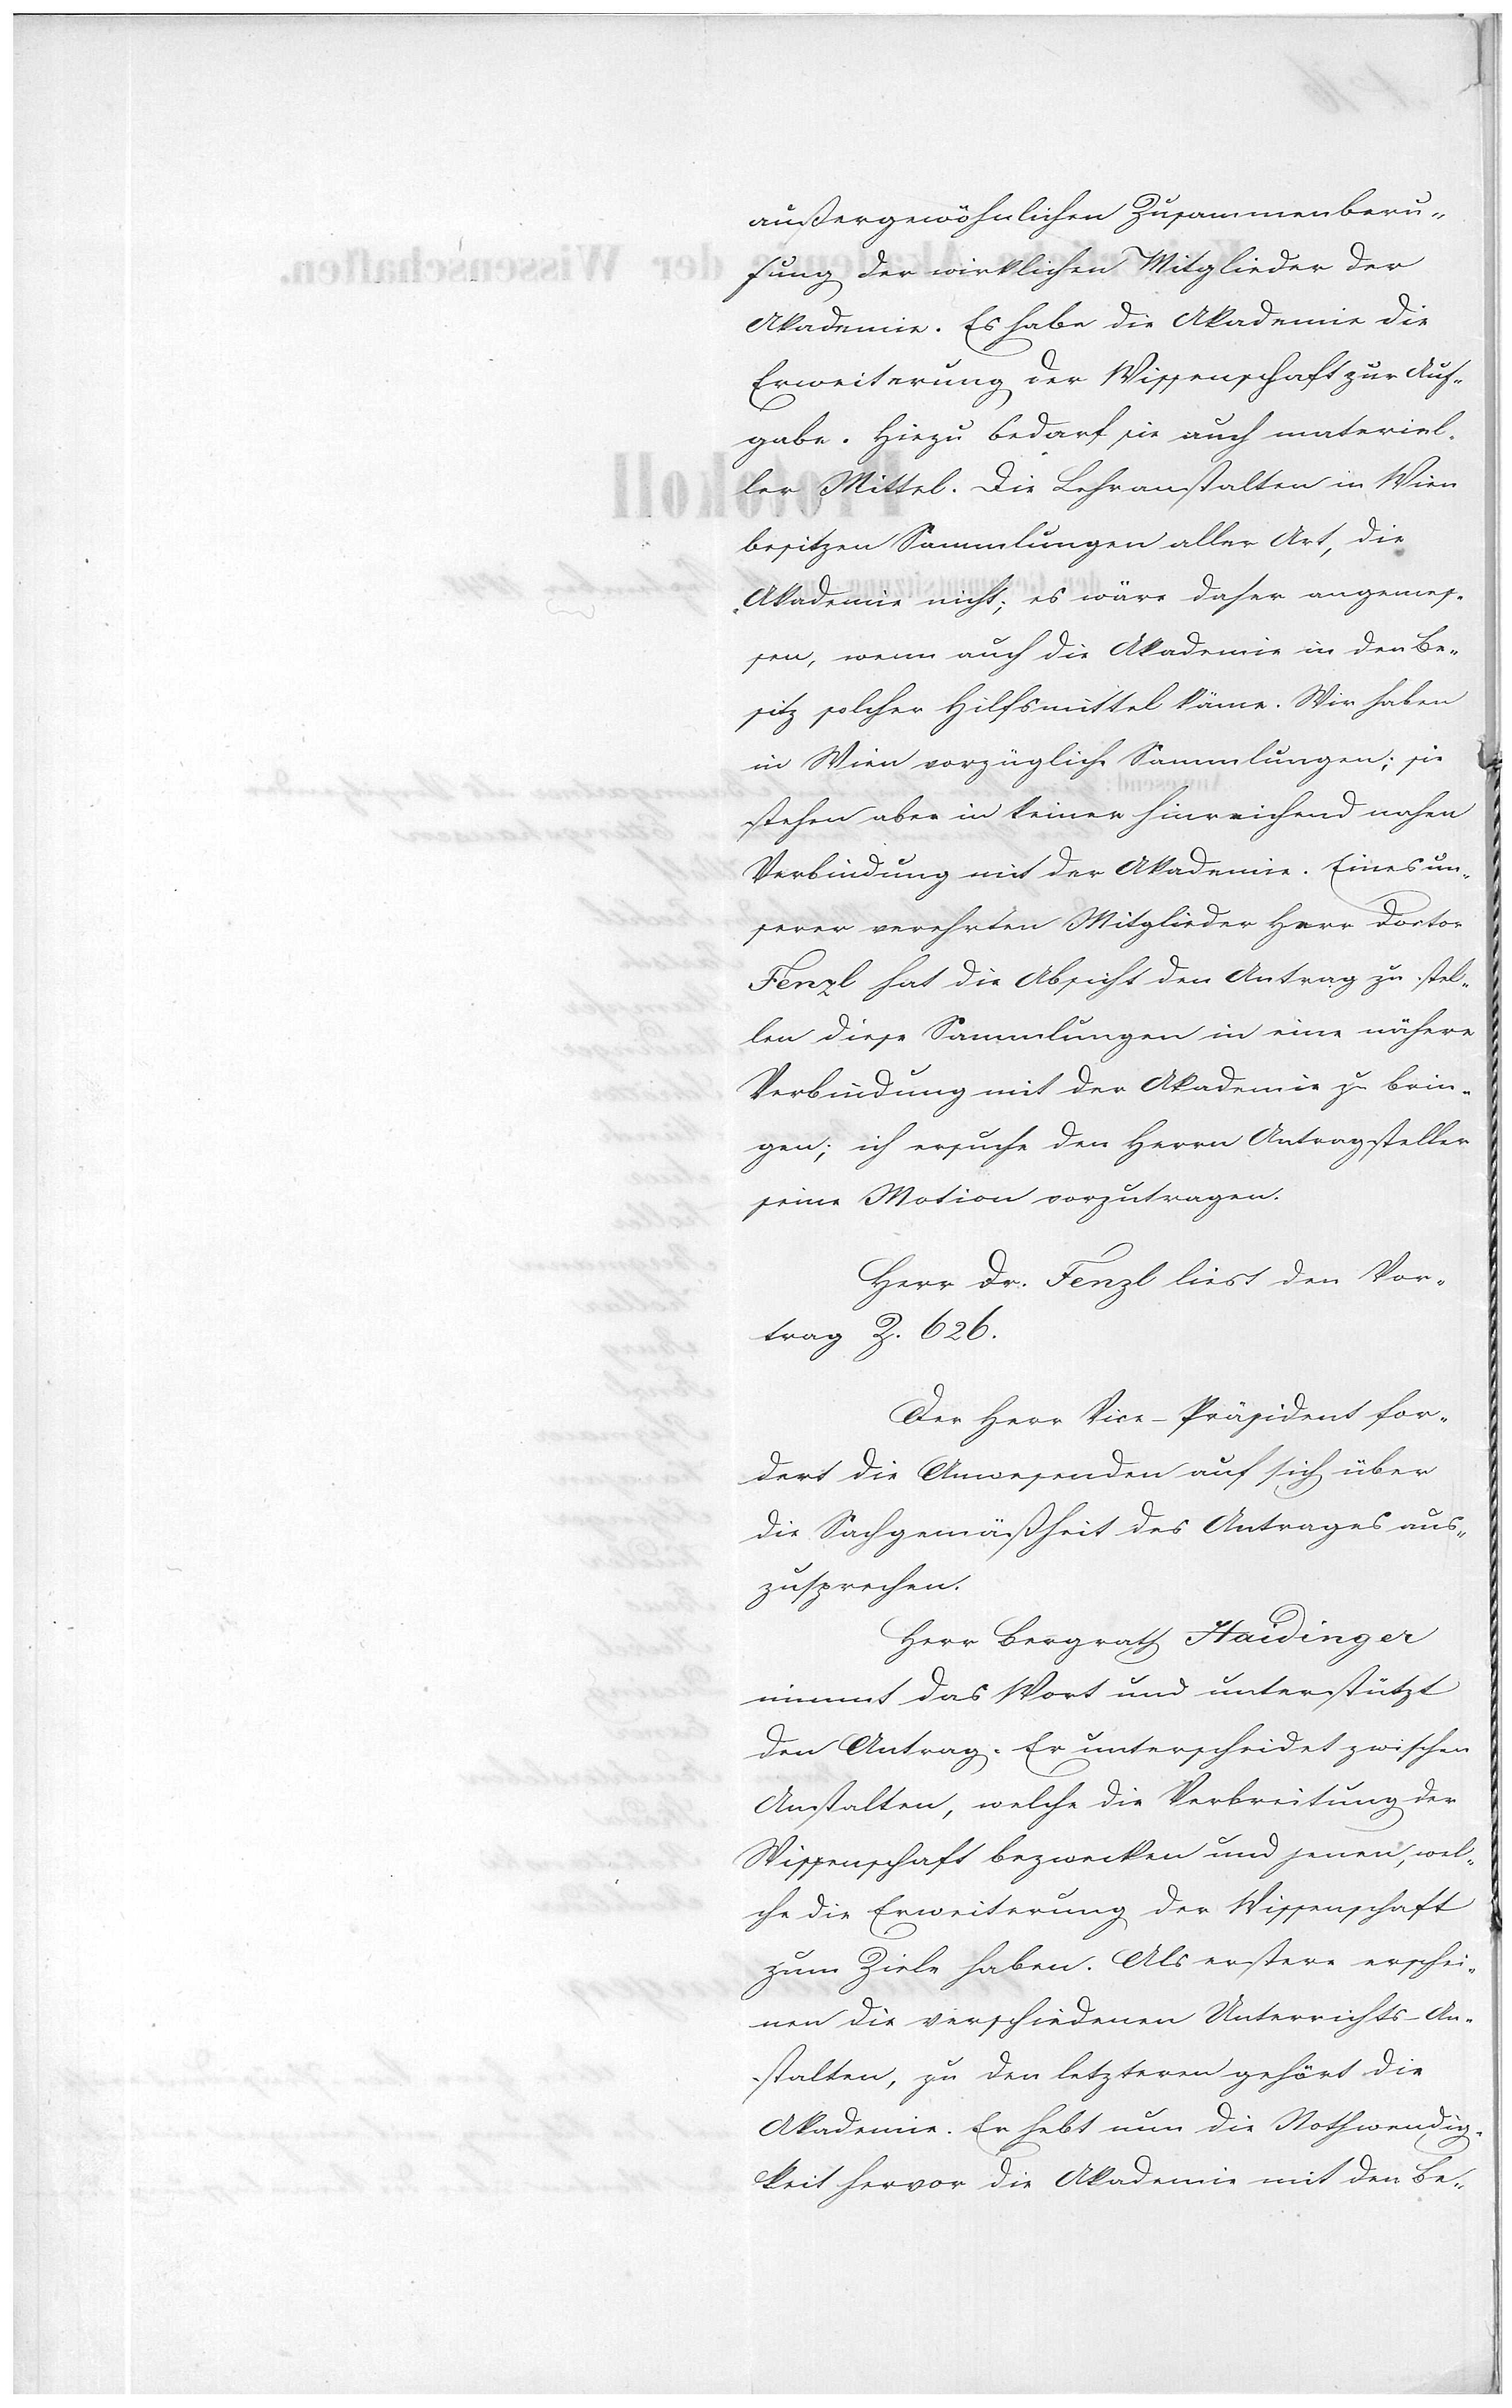außergewöhlichen Zusammenberu-
fung der wirklichen Mitglieder der
Akademie. Es habe die Akademie die
Erweiterung der Wissenschaft zur Auf-
gabe. Hiezu bedarf sie auch materiel-
ler Mittel. Die Lehranstalten in Wien
besitzen Sammlungen aller Art, die
Akademie nicht; es wäre daher angemes-
sen, wenn auch die Akademie in den Be-
sitz solcher Hilfsmittel käme. Wir haben
in Wien vorzügliche Sammlungen; sie
stehen aber in keiner hinreichend nahen
Verbindung mit der Akademie. Eines un-
serer verehrten Mitglieder Herr Doctor
Fenzl hat die Absicht den Antrag zu stel-
len diese Samclungen in eine nähere
Verbindung mit der Akademie zu brin-
gen; ich ersuche den Herrn Antragsteller
seine Motion vorzutragen.
Herr Dr. Fenzl liest den Vor-
trag Z. 626.
Der Herr Vice-Präsident for-
dert die Anwesenden auf sich über
die Sachgemäßheit des Antrages aus-
zusprechen.
Herr Bergrath Haidinger
nimmt das Wort und unterstützt
den Antrag. Er unterscheidet zwischen
Anstalten, welche die Verbreitung der
Wissenschaft bezwecken und jenen, wel-
che die Erweiterung der Wissenschaft
zum Ziele haben. Als erstere erschei-
men die verschiedenen Unterrichts-An-
stalten, zu den letzteren gehört die
Akademie Er hebt nun die Nothwendig-
keit hervor die Akademie mit den Be-